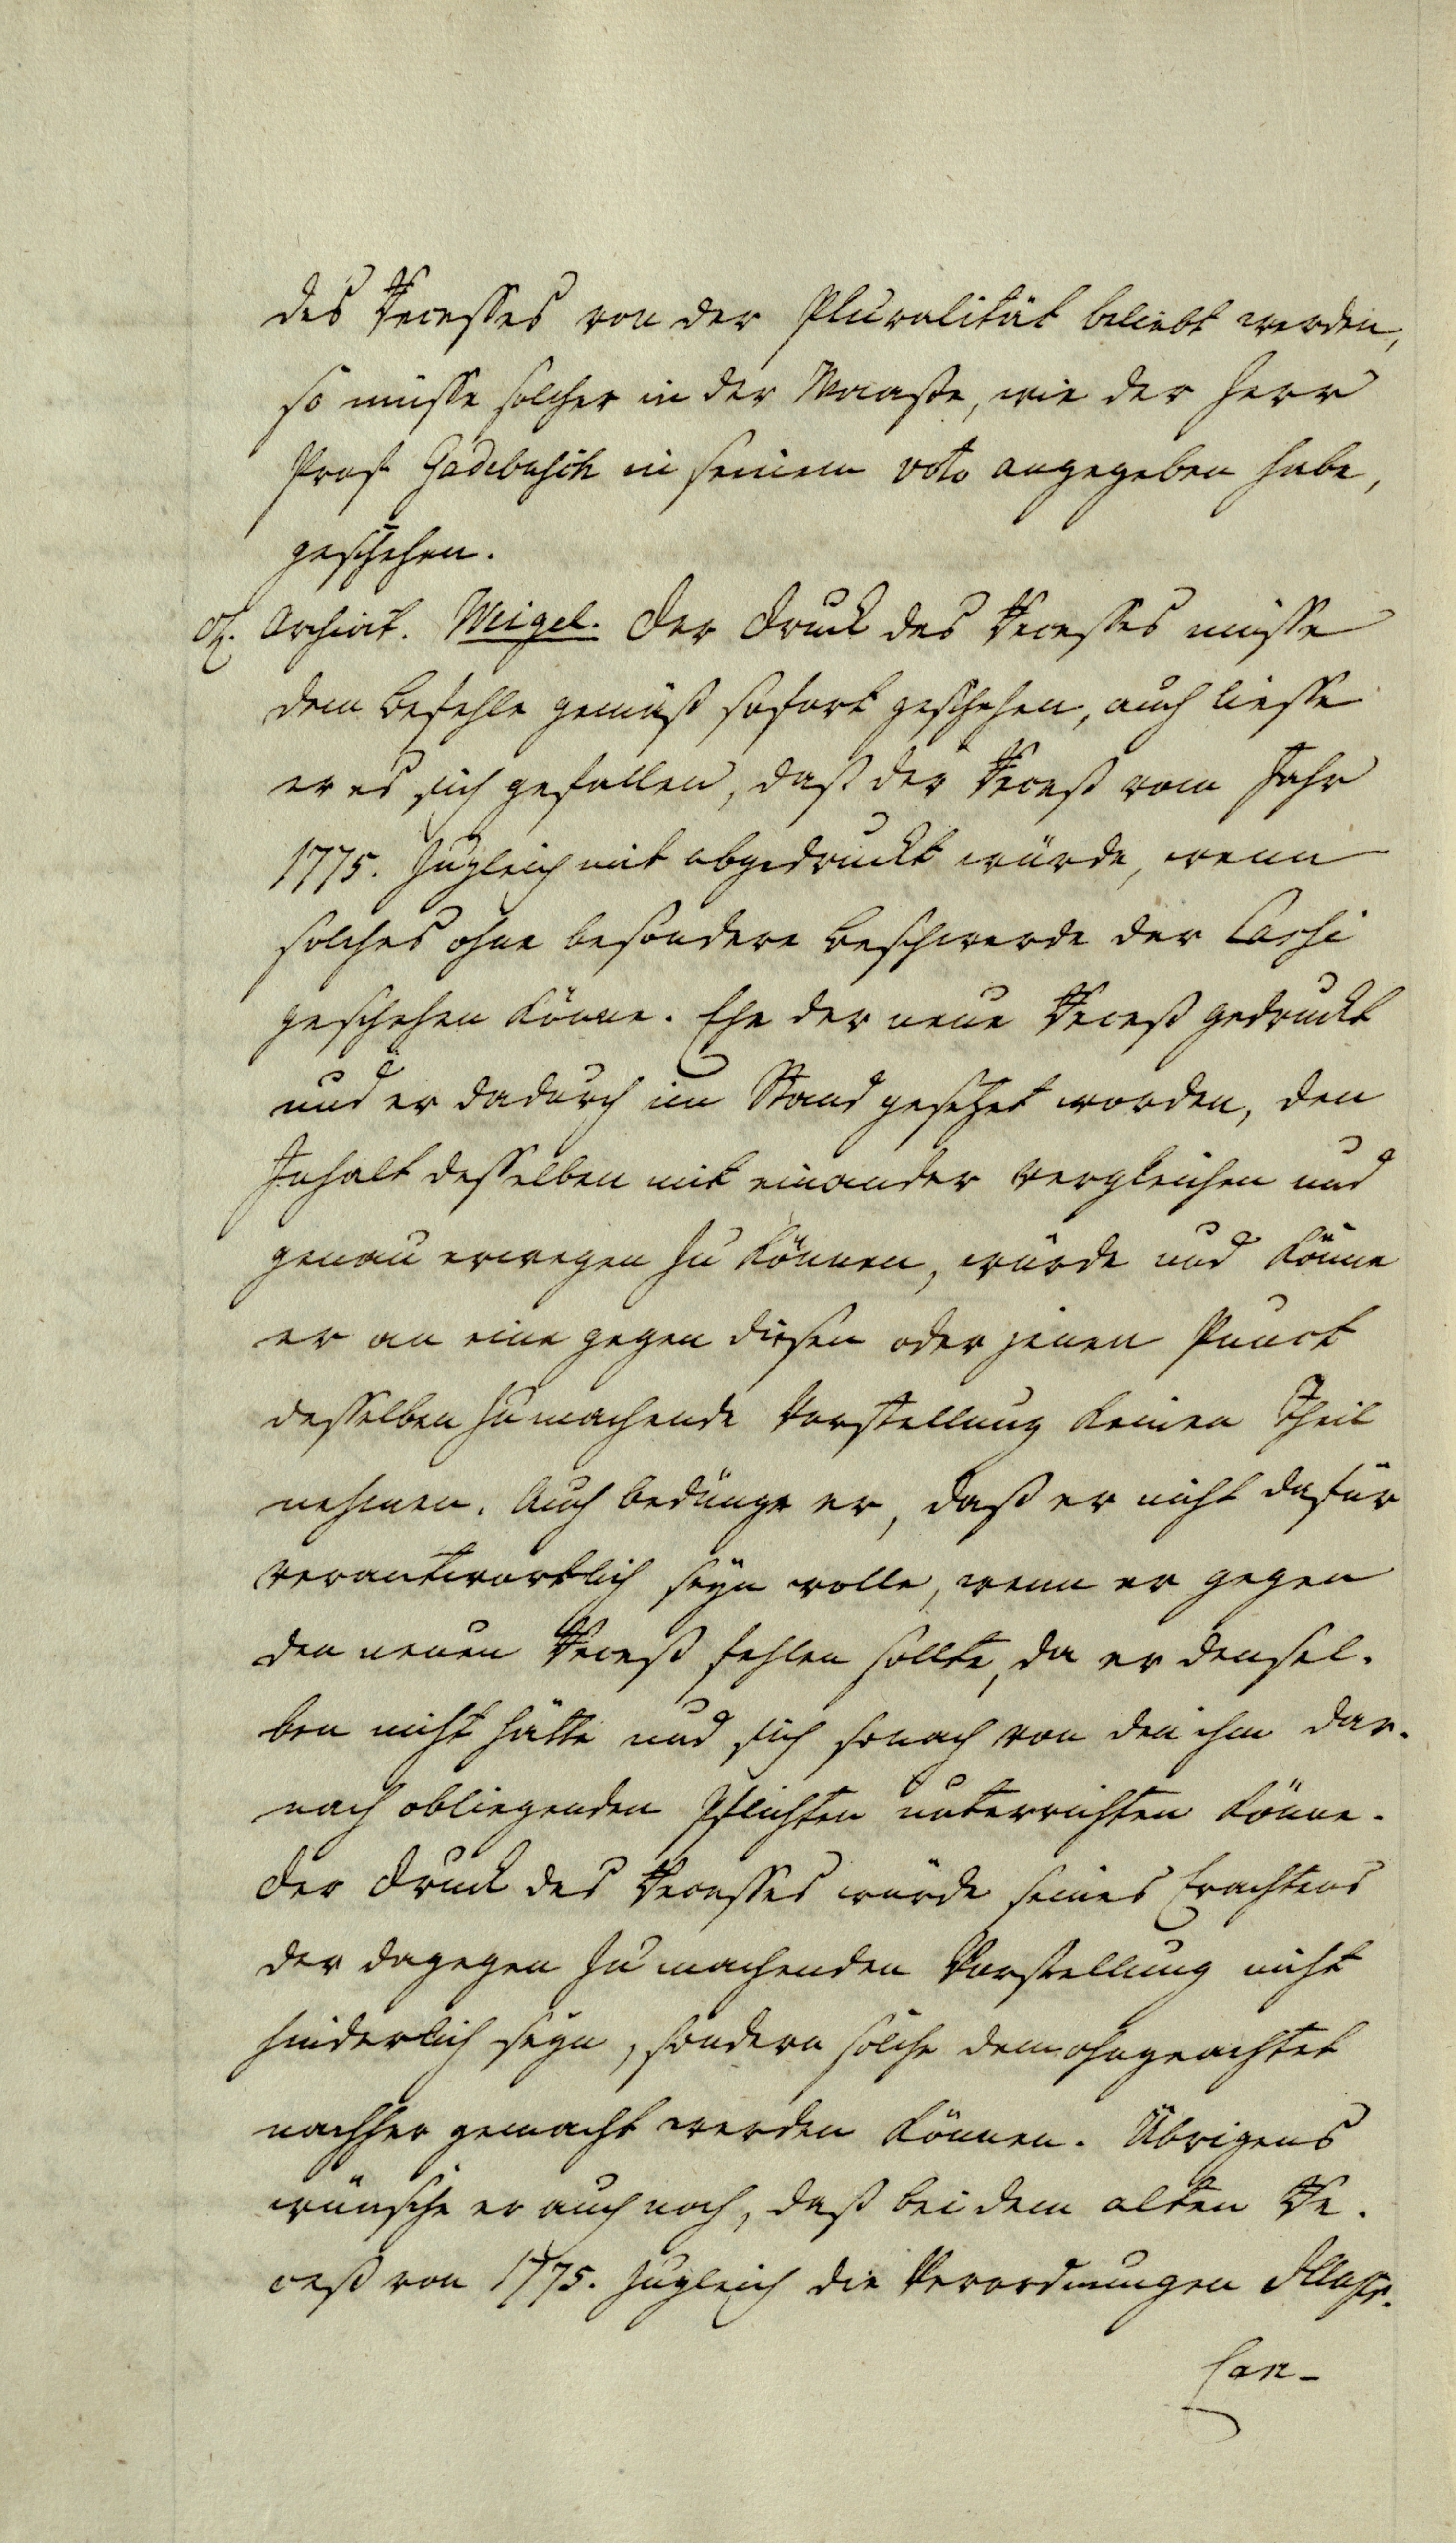des Recesses von der Pluralität beliebt werden,
so müsse solcher in der Maaße, wie der Herr
Prof. Gadebusch in seinem voto angegeben habe,
geschehen.
dh. Archiat. Weigel. Der Druck des Recesses müsse
dem Befehle gemäß sofort geschehen, auch liesse
er es sich gefallen, daß der Receß vom Jahr
1775. zugleich mit abgedruckt würde, wenn
solches ohne besondere Beschwerde der Cassi
geschehen könne. Ehe der neue Receß gedruckt
und er dadurch im Stand gesetzet worden, den
Inhalt desselben mit einander vergleichen und
genau erwegen zu können, würde und könne
er an eine gegen diesen oder jenen Punct
desselben zu machende Vorstellung keinen Theil
nehmen. Auch bedünge er, daß er nicht dafür
verantwortlich seÿn wolle, wenn er gegen
den neuen Receß fehlen sollte, da er densel¬
ben nicht hätte und sich sonach von den ihm dar¬
nach obliegenden Pflichten unterrichten könne.
Der Druck des Recesses würde seines Erachtens
der dagegen zu machenden Vorstellung nicht
hinderlich seÿn sondern solche demohngeachtet
nachher gemacht werden können. Übrigens
wünsche er auch noch, daß bei dem alten Re¬
ceß von 1775. zugleich die Verordnungen Illustr.
Can¬